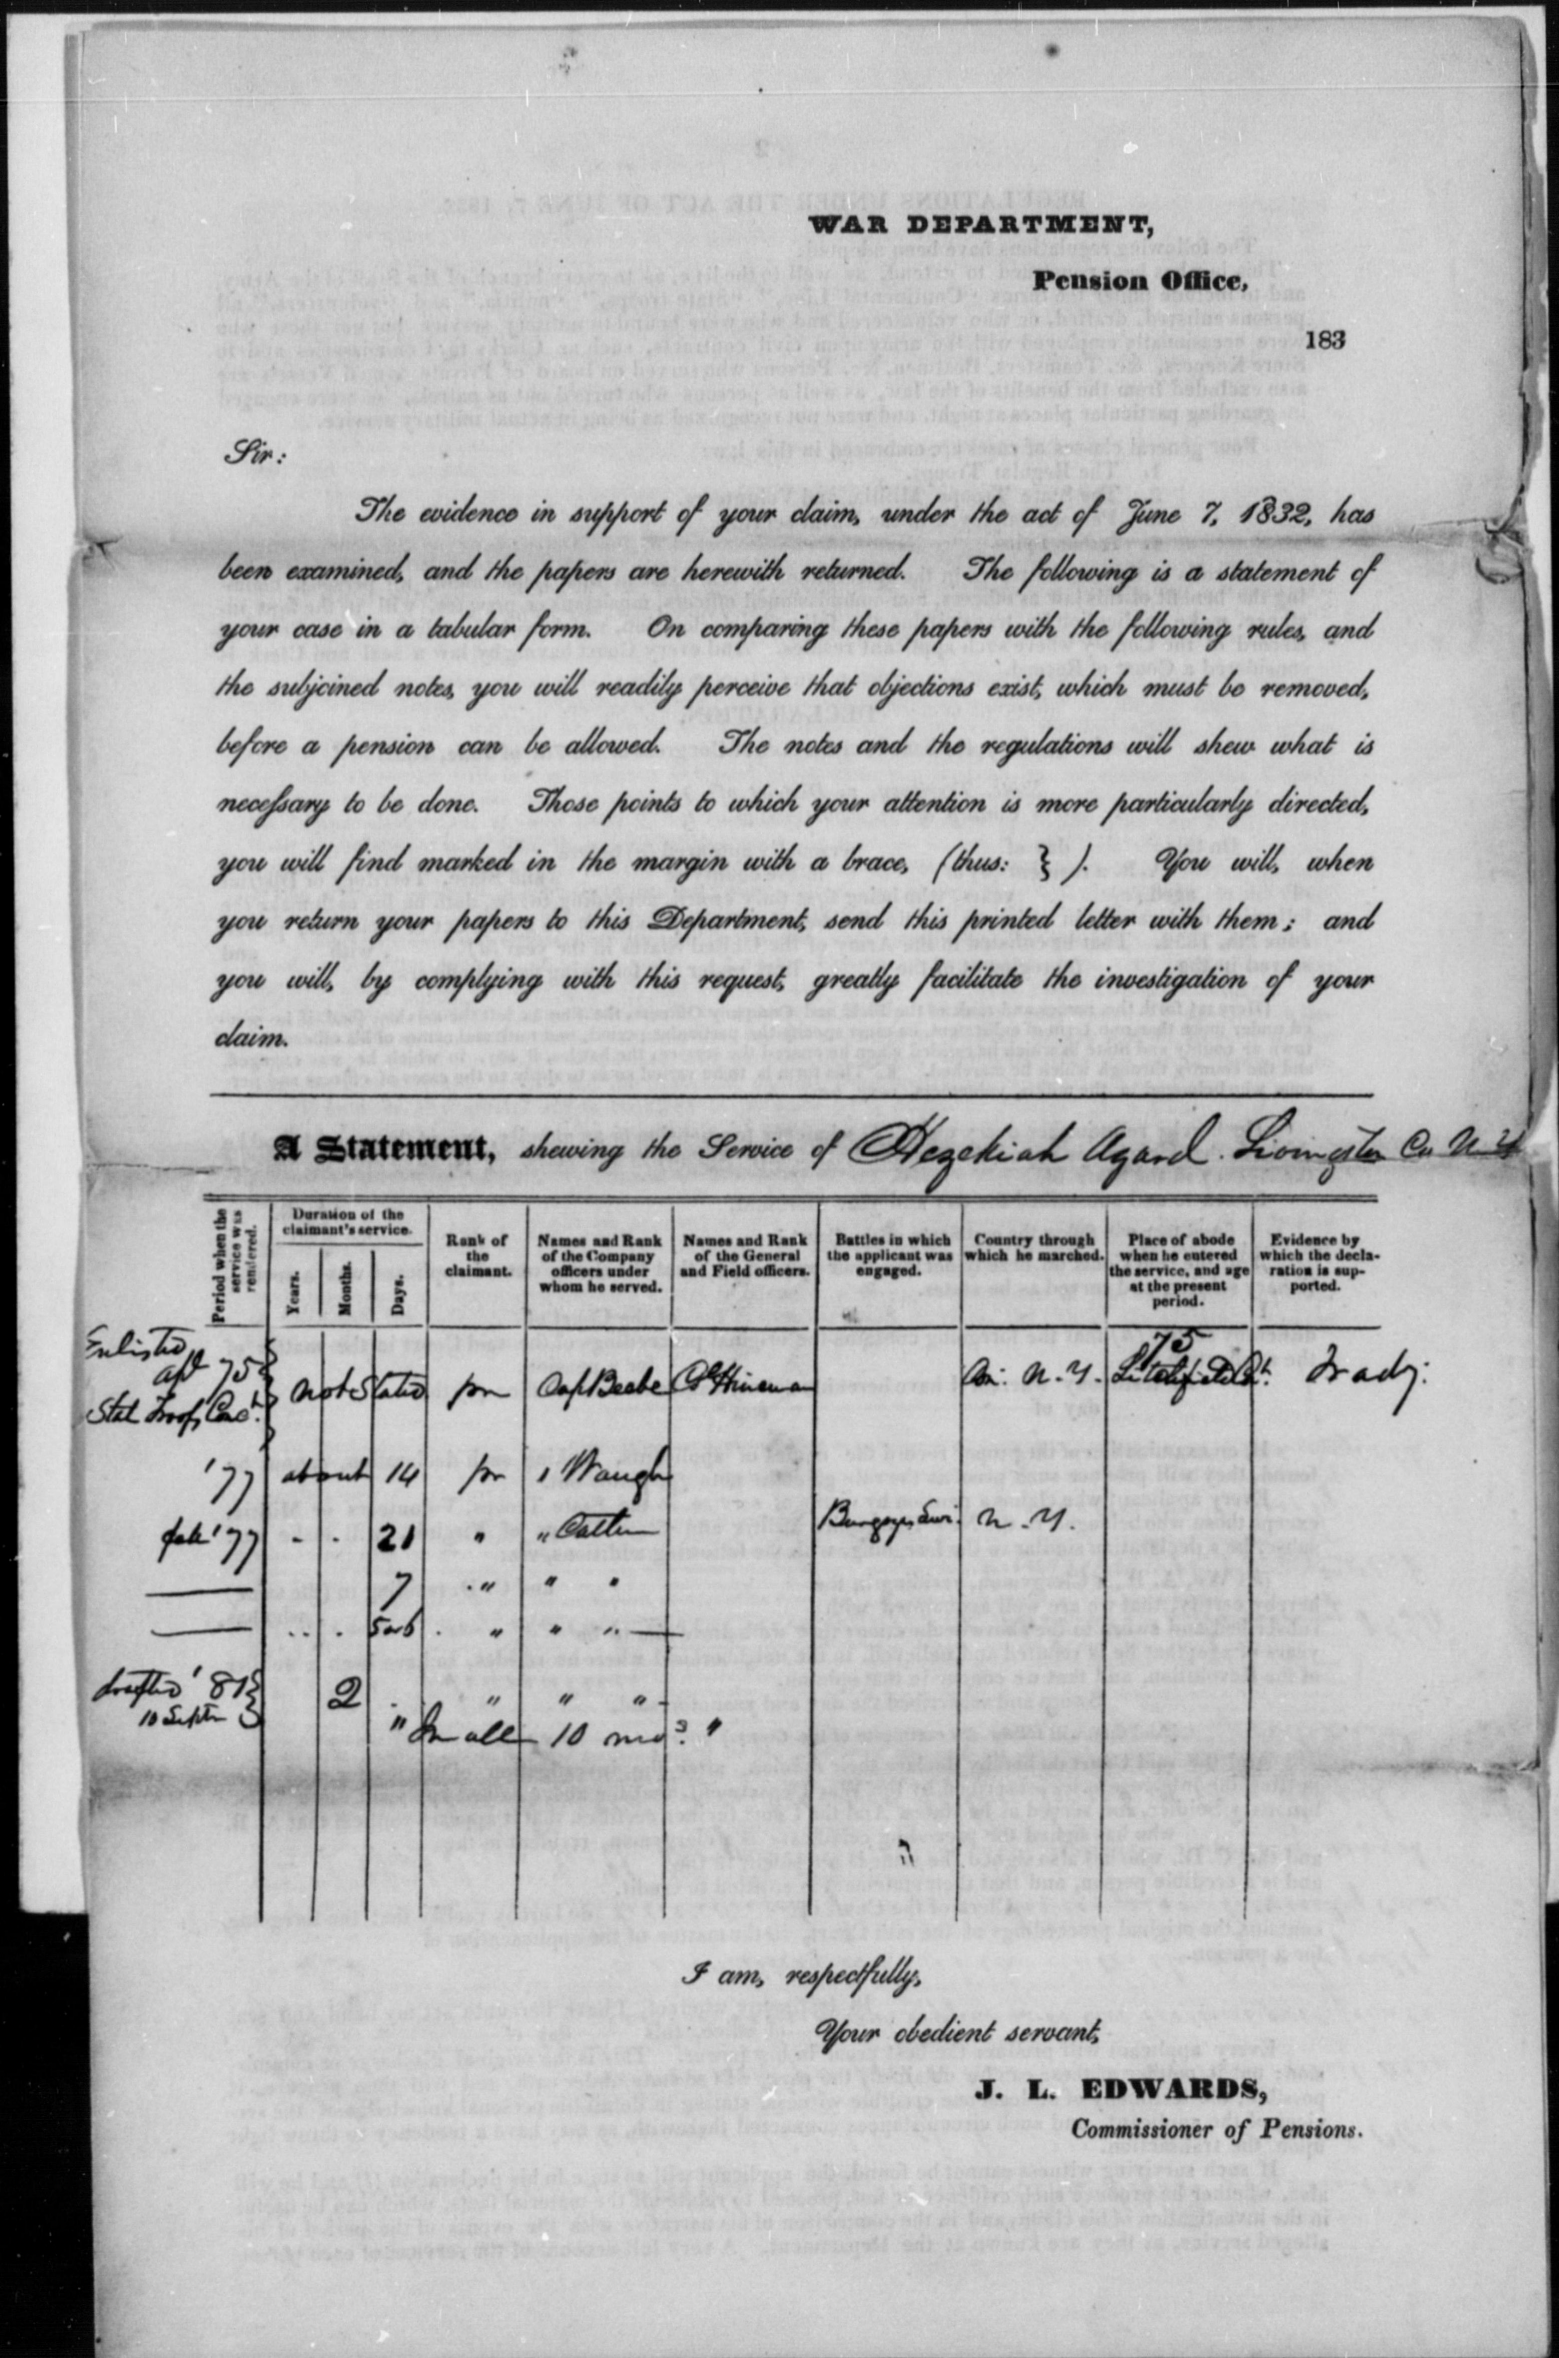WAR DEPARTMENT,
Pension Office,
183
Sir:
The evidence in support of your claim, under the act of June 7, 1832, has
been examined, and the papers are herewith returned. The following is a statement of
your case in a tabular form. On comparing these papers with the following rules, and
the subjoined notes, you will readily perceive that objections exist, which must be removed,
before a pension can be allowed. The notes and the regulations will show what is
necessary to be done. Those points to which your attention is more particularly directed,
you will find marked in the margin with a brace, (thus:). You will, when
you return your papers to this Department, send this printed letter with them; and
you will, by complying with this request, greatly facilitate the investigation of your
claim.
Statement, showing the service of Hezekiah Agard. Livingston Co N.Y.
Period when the service was rendered.
Duration of the claimant's service.
Years. Months. Days.
Rank of the claimant.
Names and Rank of the Company officers under whom he served.
Names and Rank of the General and Field officers.
Battles in which the applicant was engaged.
Country through which he marched.
Place of abode when he entered the service, and age at the present period.
Evidence by which the declaration is supported.
Enlisted Apl 75
not Stated Capt Beebe Col Hinawa N.Y. 75
'77 about 14
Feb '77 - - 21 N.Y.
- 7 " " "
- 5 or 6 " " "
drafted '81 10 Septr 2 "In all 10 mos."
I am, respectfully,
Your obedient servant,
J. L. Edwards,
Commissioner of Pensions.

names: Catlin, Waugh, Hezekiah Agard, Beebe, J L Edwards, Hinman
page: 12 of 19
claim: survivor's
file: S. 23,092, Hezekiah Agard, Conn.